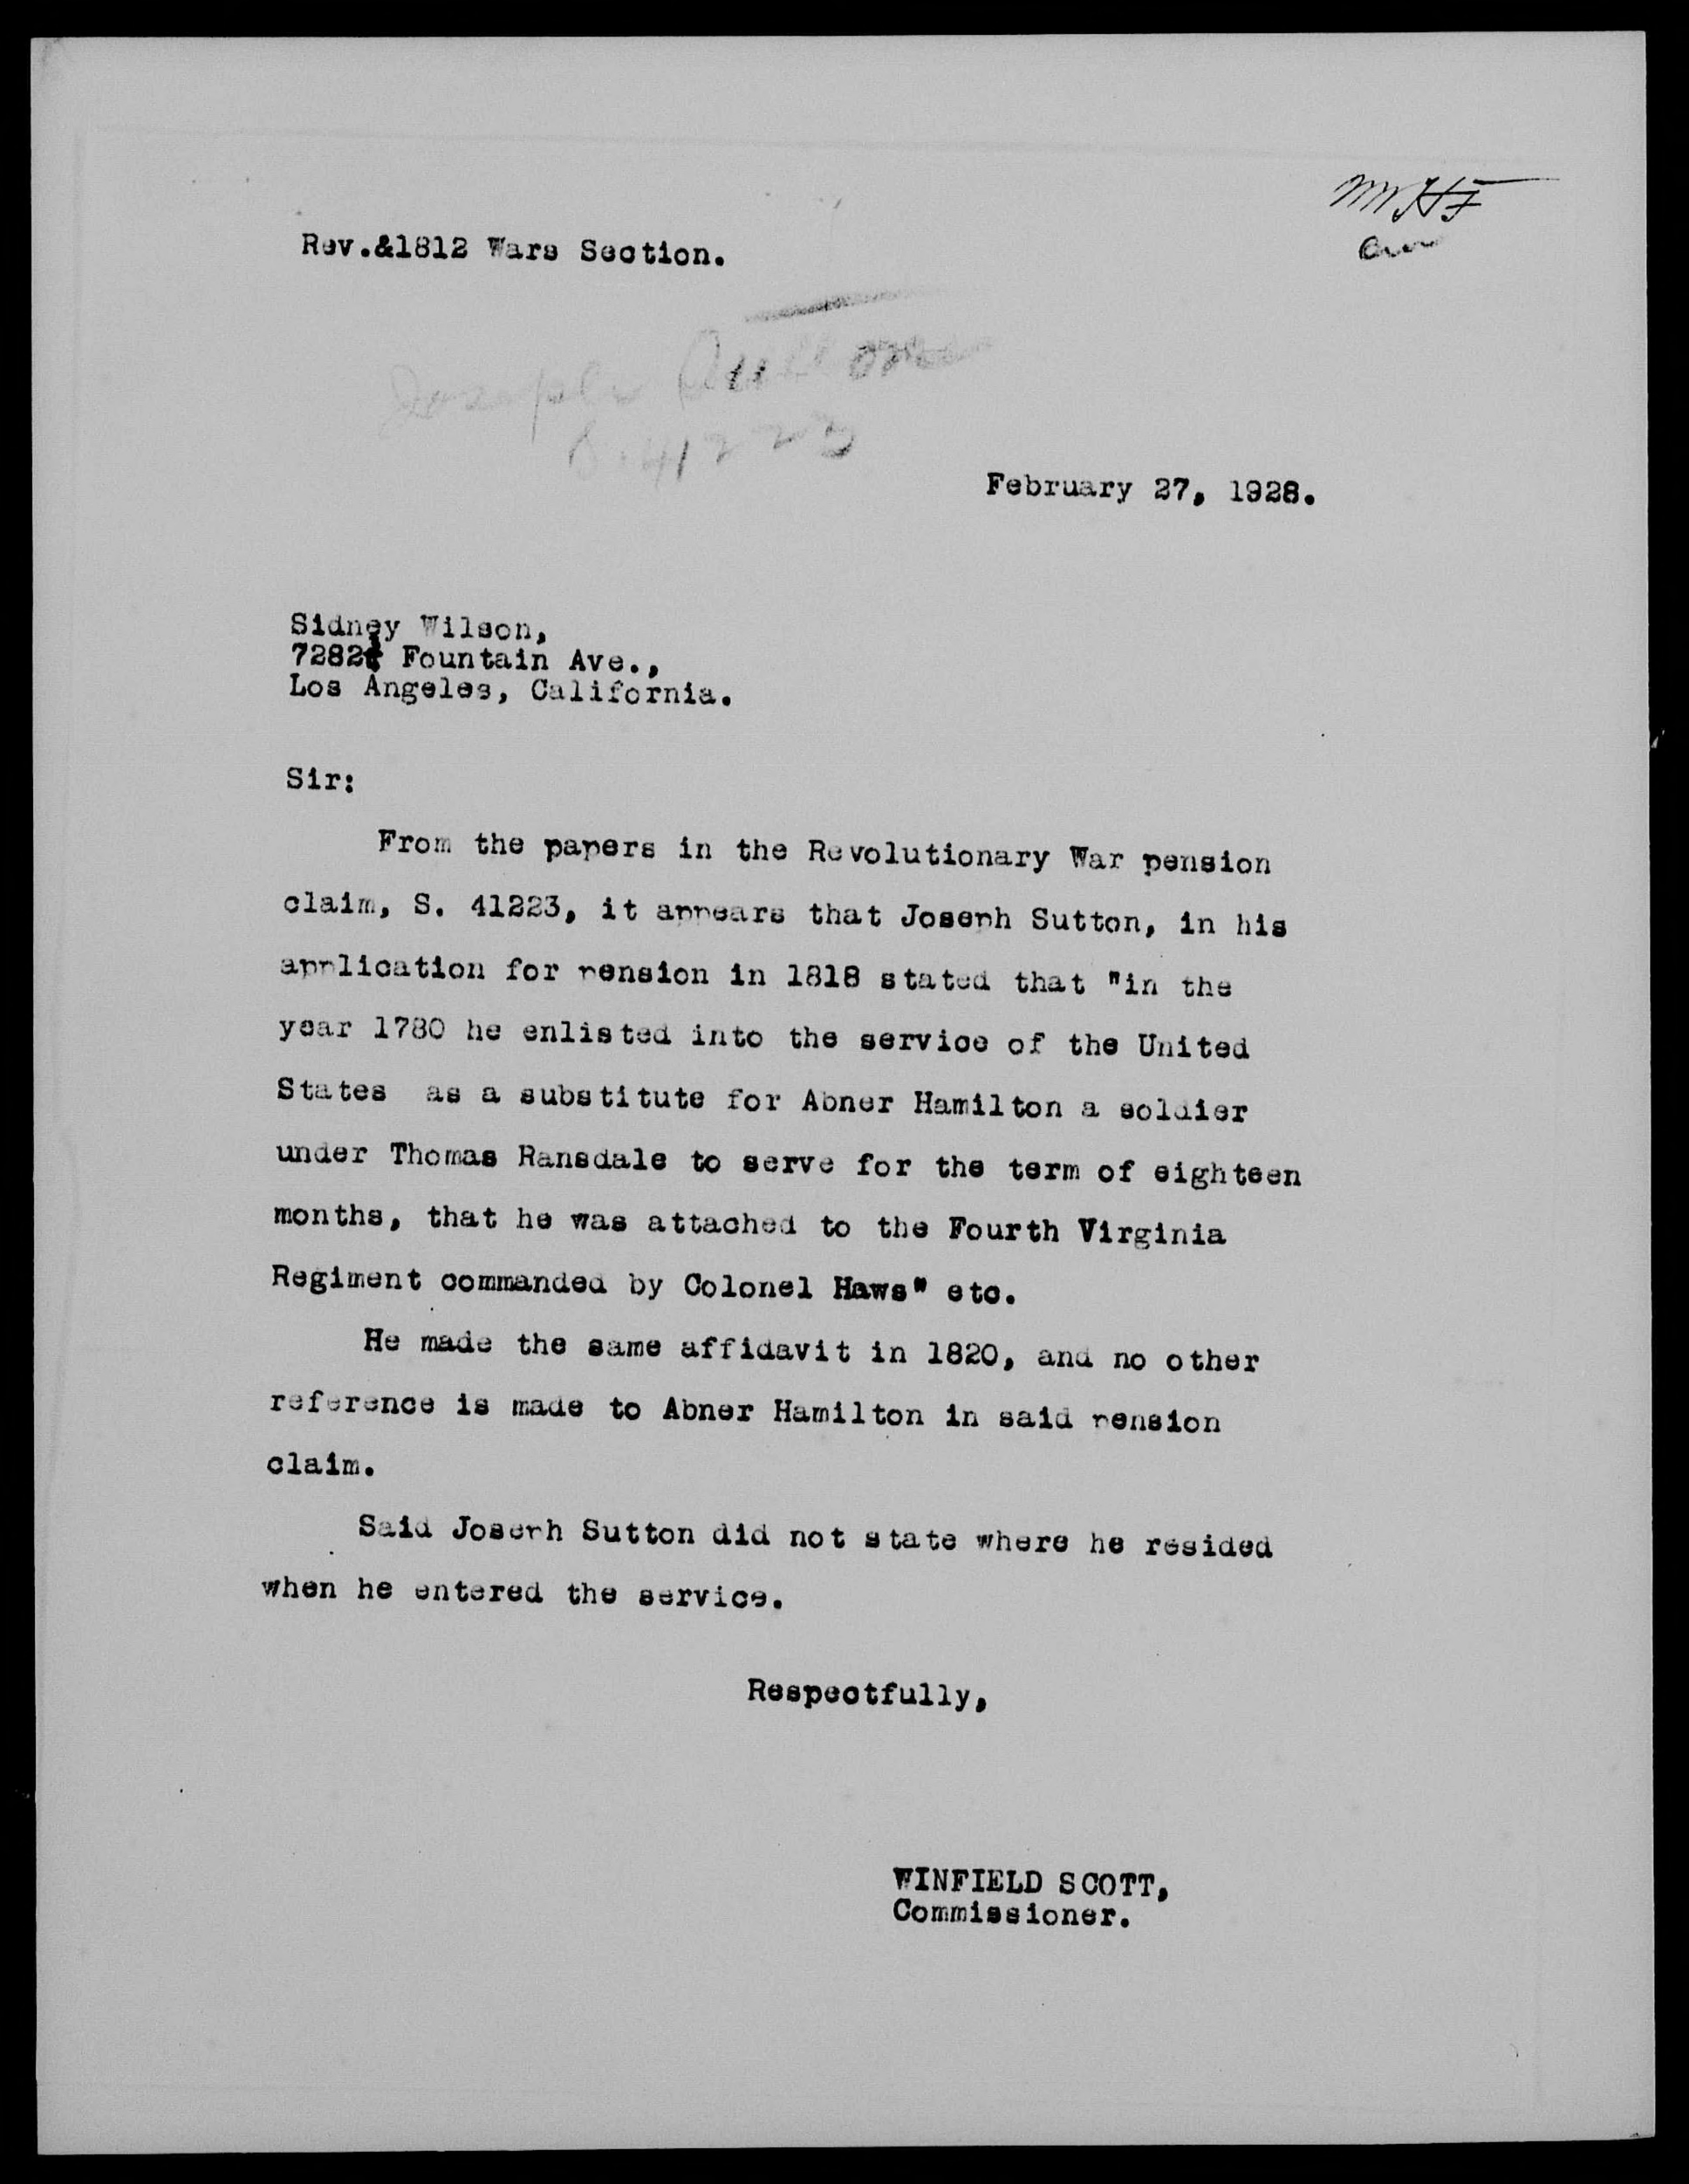[handwritten on document are initials: MHF/over and Joseph Sutton 41223. remaining letter is typed]

Rev. & 1812 Wars Section

February 27, 1928.

Sidney Wilson
7282 Fountain Ave.
Los Angeles, California

Sir:

From the papers in the Revolutionary War pension claim, S.41223, it appears that Joseph Sutton, in his application for pension in 1818 stated that "in the year 1780 he enlisted into the service of the United States as a substitute for Abner Hamilton a soldier under Thomas Ranedale to serve for the term of eighteen months, that he was attached to the fourth Virginia Regiment commanded by Colonel Haws' etc.

He mad e the same affidavit in 1820, and no other reference is made to Abner Hamilton in said pension claim.

Said Joseph Sutton di not state where he resided when he entered the service.

Respectfully,
Winfield Scott
Commissioner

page: 9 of 21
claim: survivor's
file: S. 41223, for Joseph Sutton, Virginia